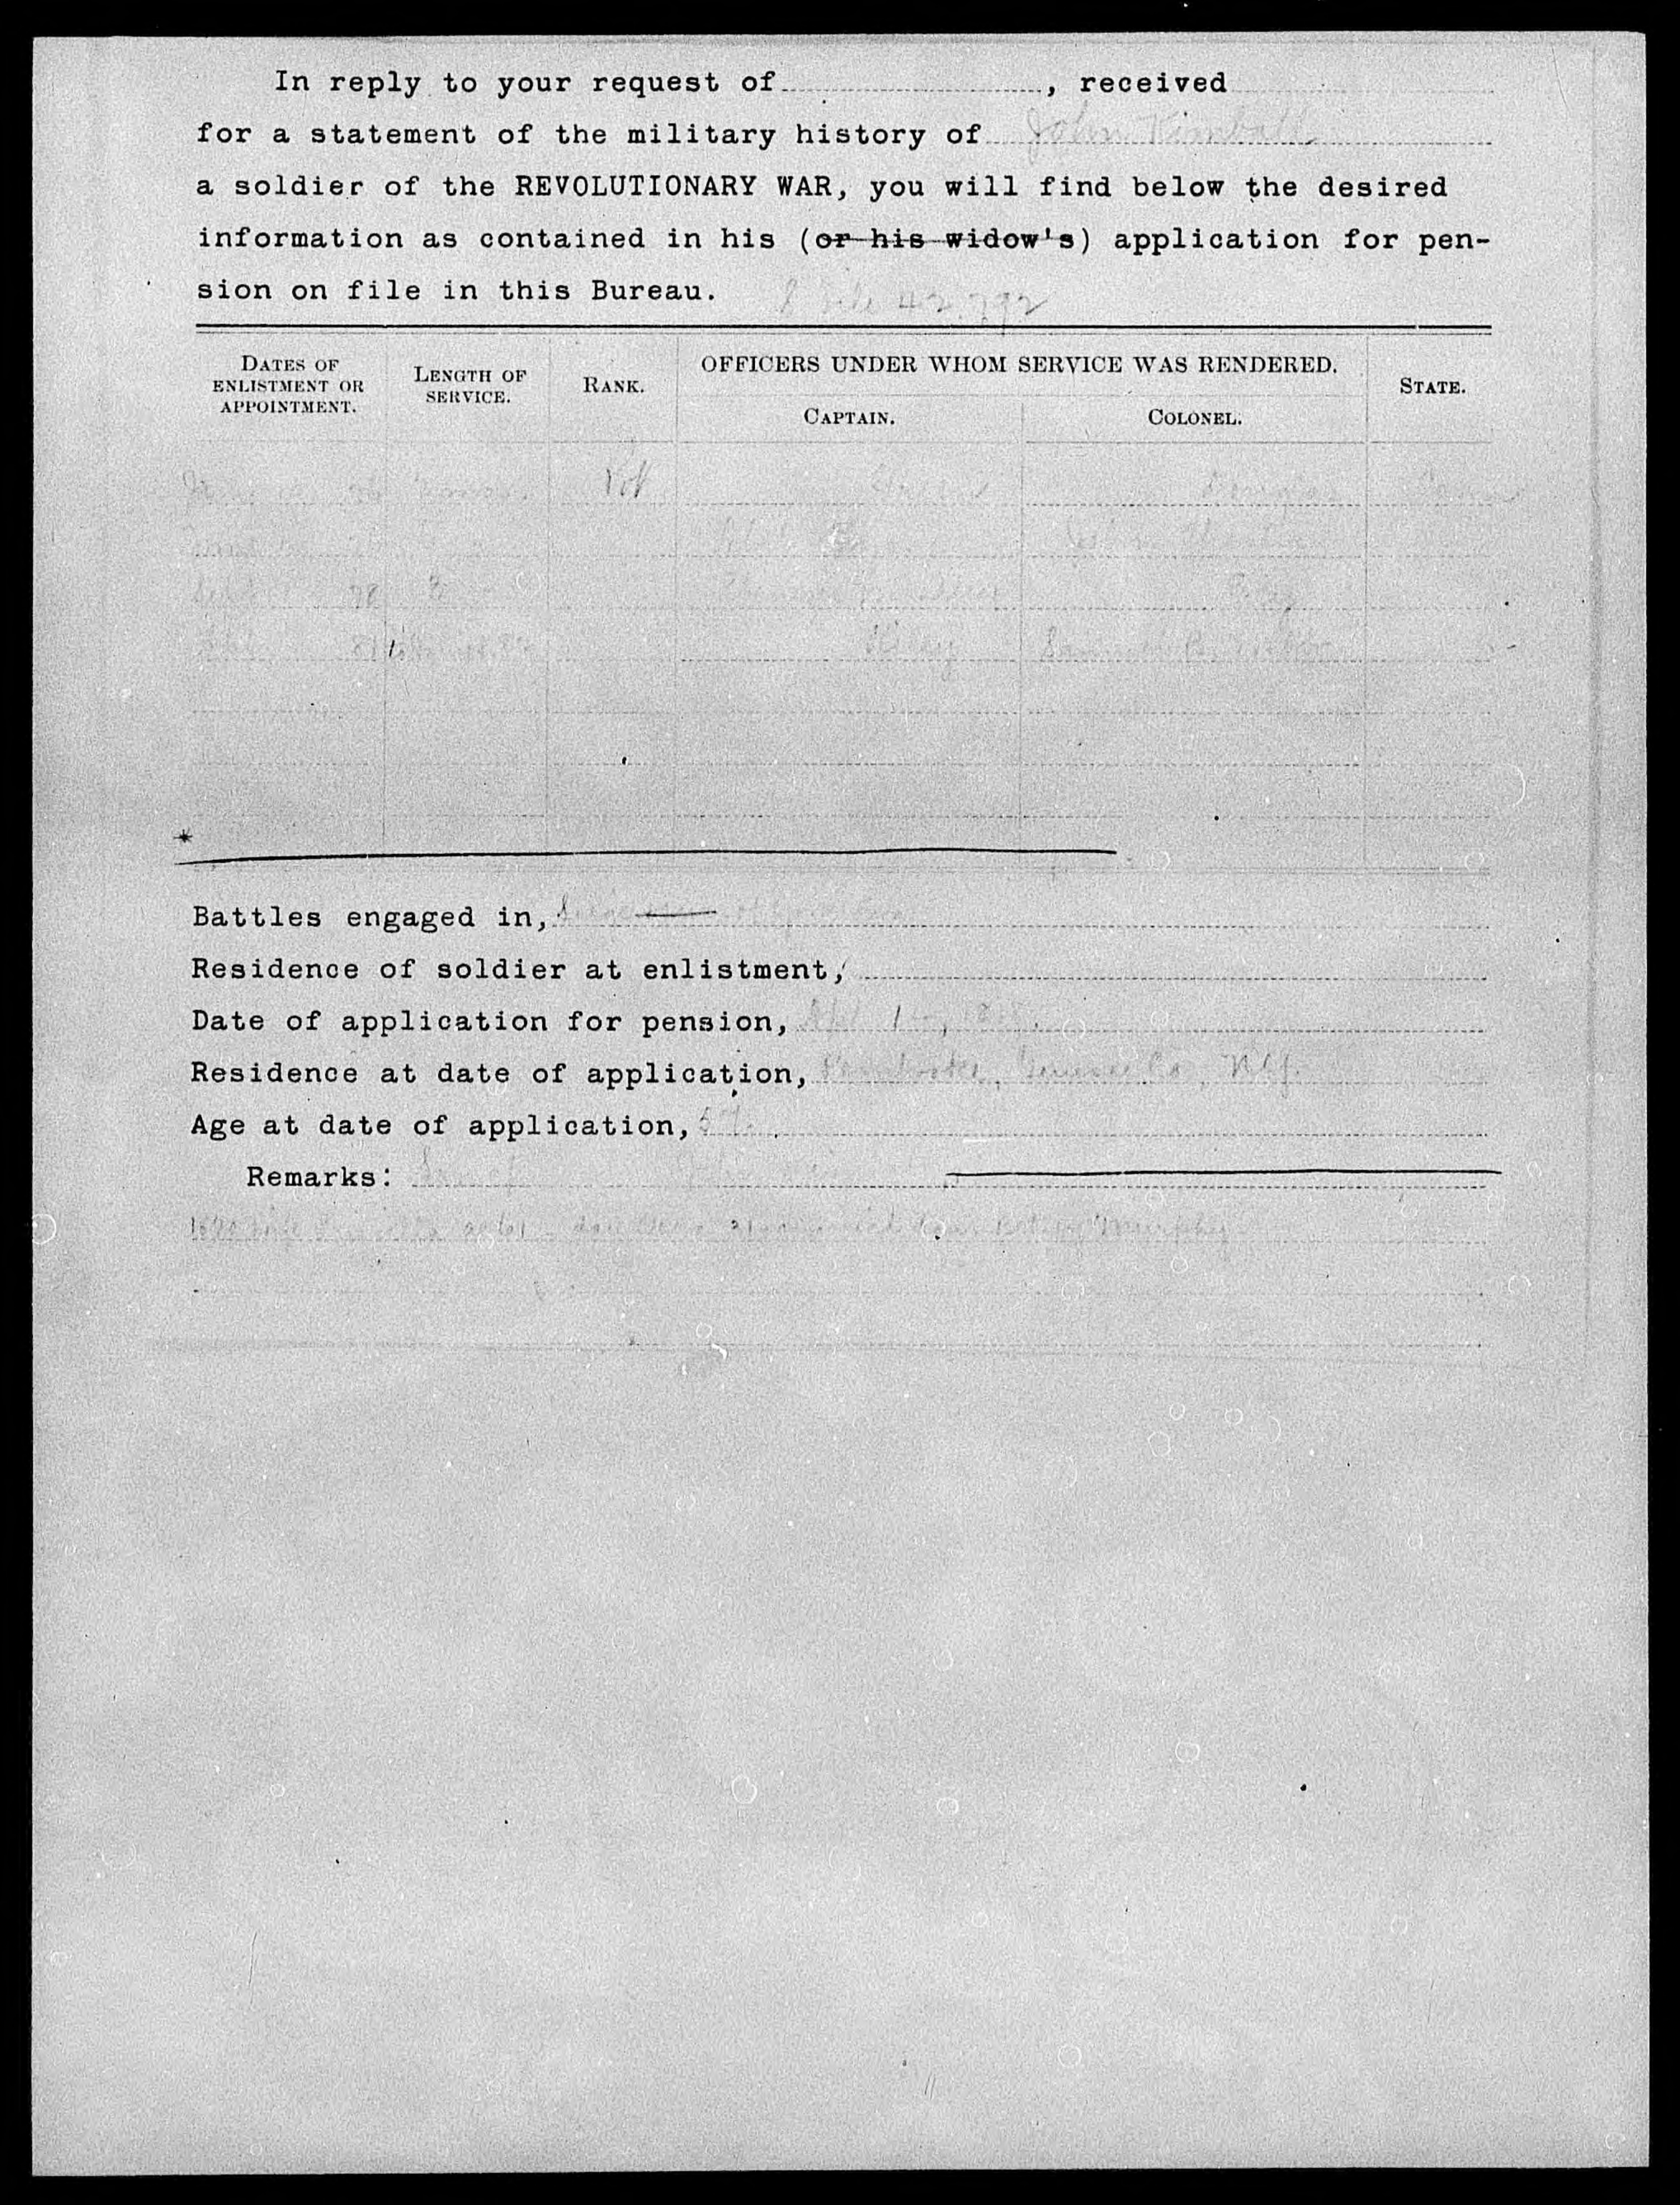In reply to your request of ___, received ___ for a statement of the military history of John Kimball a soldier of the REVOLUTIONARY WAR,  you will find below the desired information as contained in his application for pension on file in this Bureau. S File 42.792

[5 column table:] Dates of Enlistment of Appointment./ Length of Service./ Rank./ Officers under Whom Service was Rendered. Captain. Colonel./ State.

Jan 10 76/ 2 mos./ pvt/ Green/ Douglas/ Conn
June 1 76/ [illegible]/ Abel Lyon/ John Chester/ Conn
Sept 78/ 3 mos/ Ebenezer Moseley/ Ely
Apr 81 to Jan 82/ Riley/ Samuel B. Webb

Battles engaged in, Siege [illegible]
Residence of soldier at enlistment, ___
Date of application for pension, Apl 1818
Residence at date of application, Pembroke, Genesee Co., NY
Age at date of application, 57.
Remarks: [illegible] wife age 61 - daughter 31 disabled daughter Betsey Murphy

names: Betsey Murphy; John Kimball; [BLANK] Riley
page: 34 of 36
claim: survivor's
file: S. 42,792, for John Kimball, Connecticut